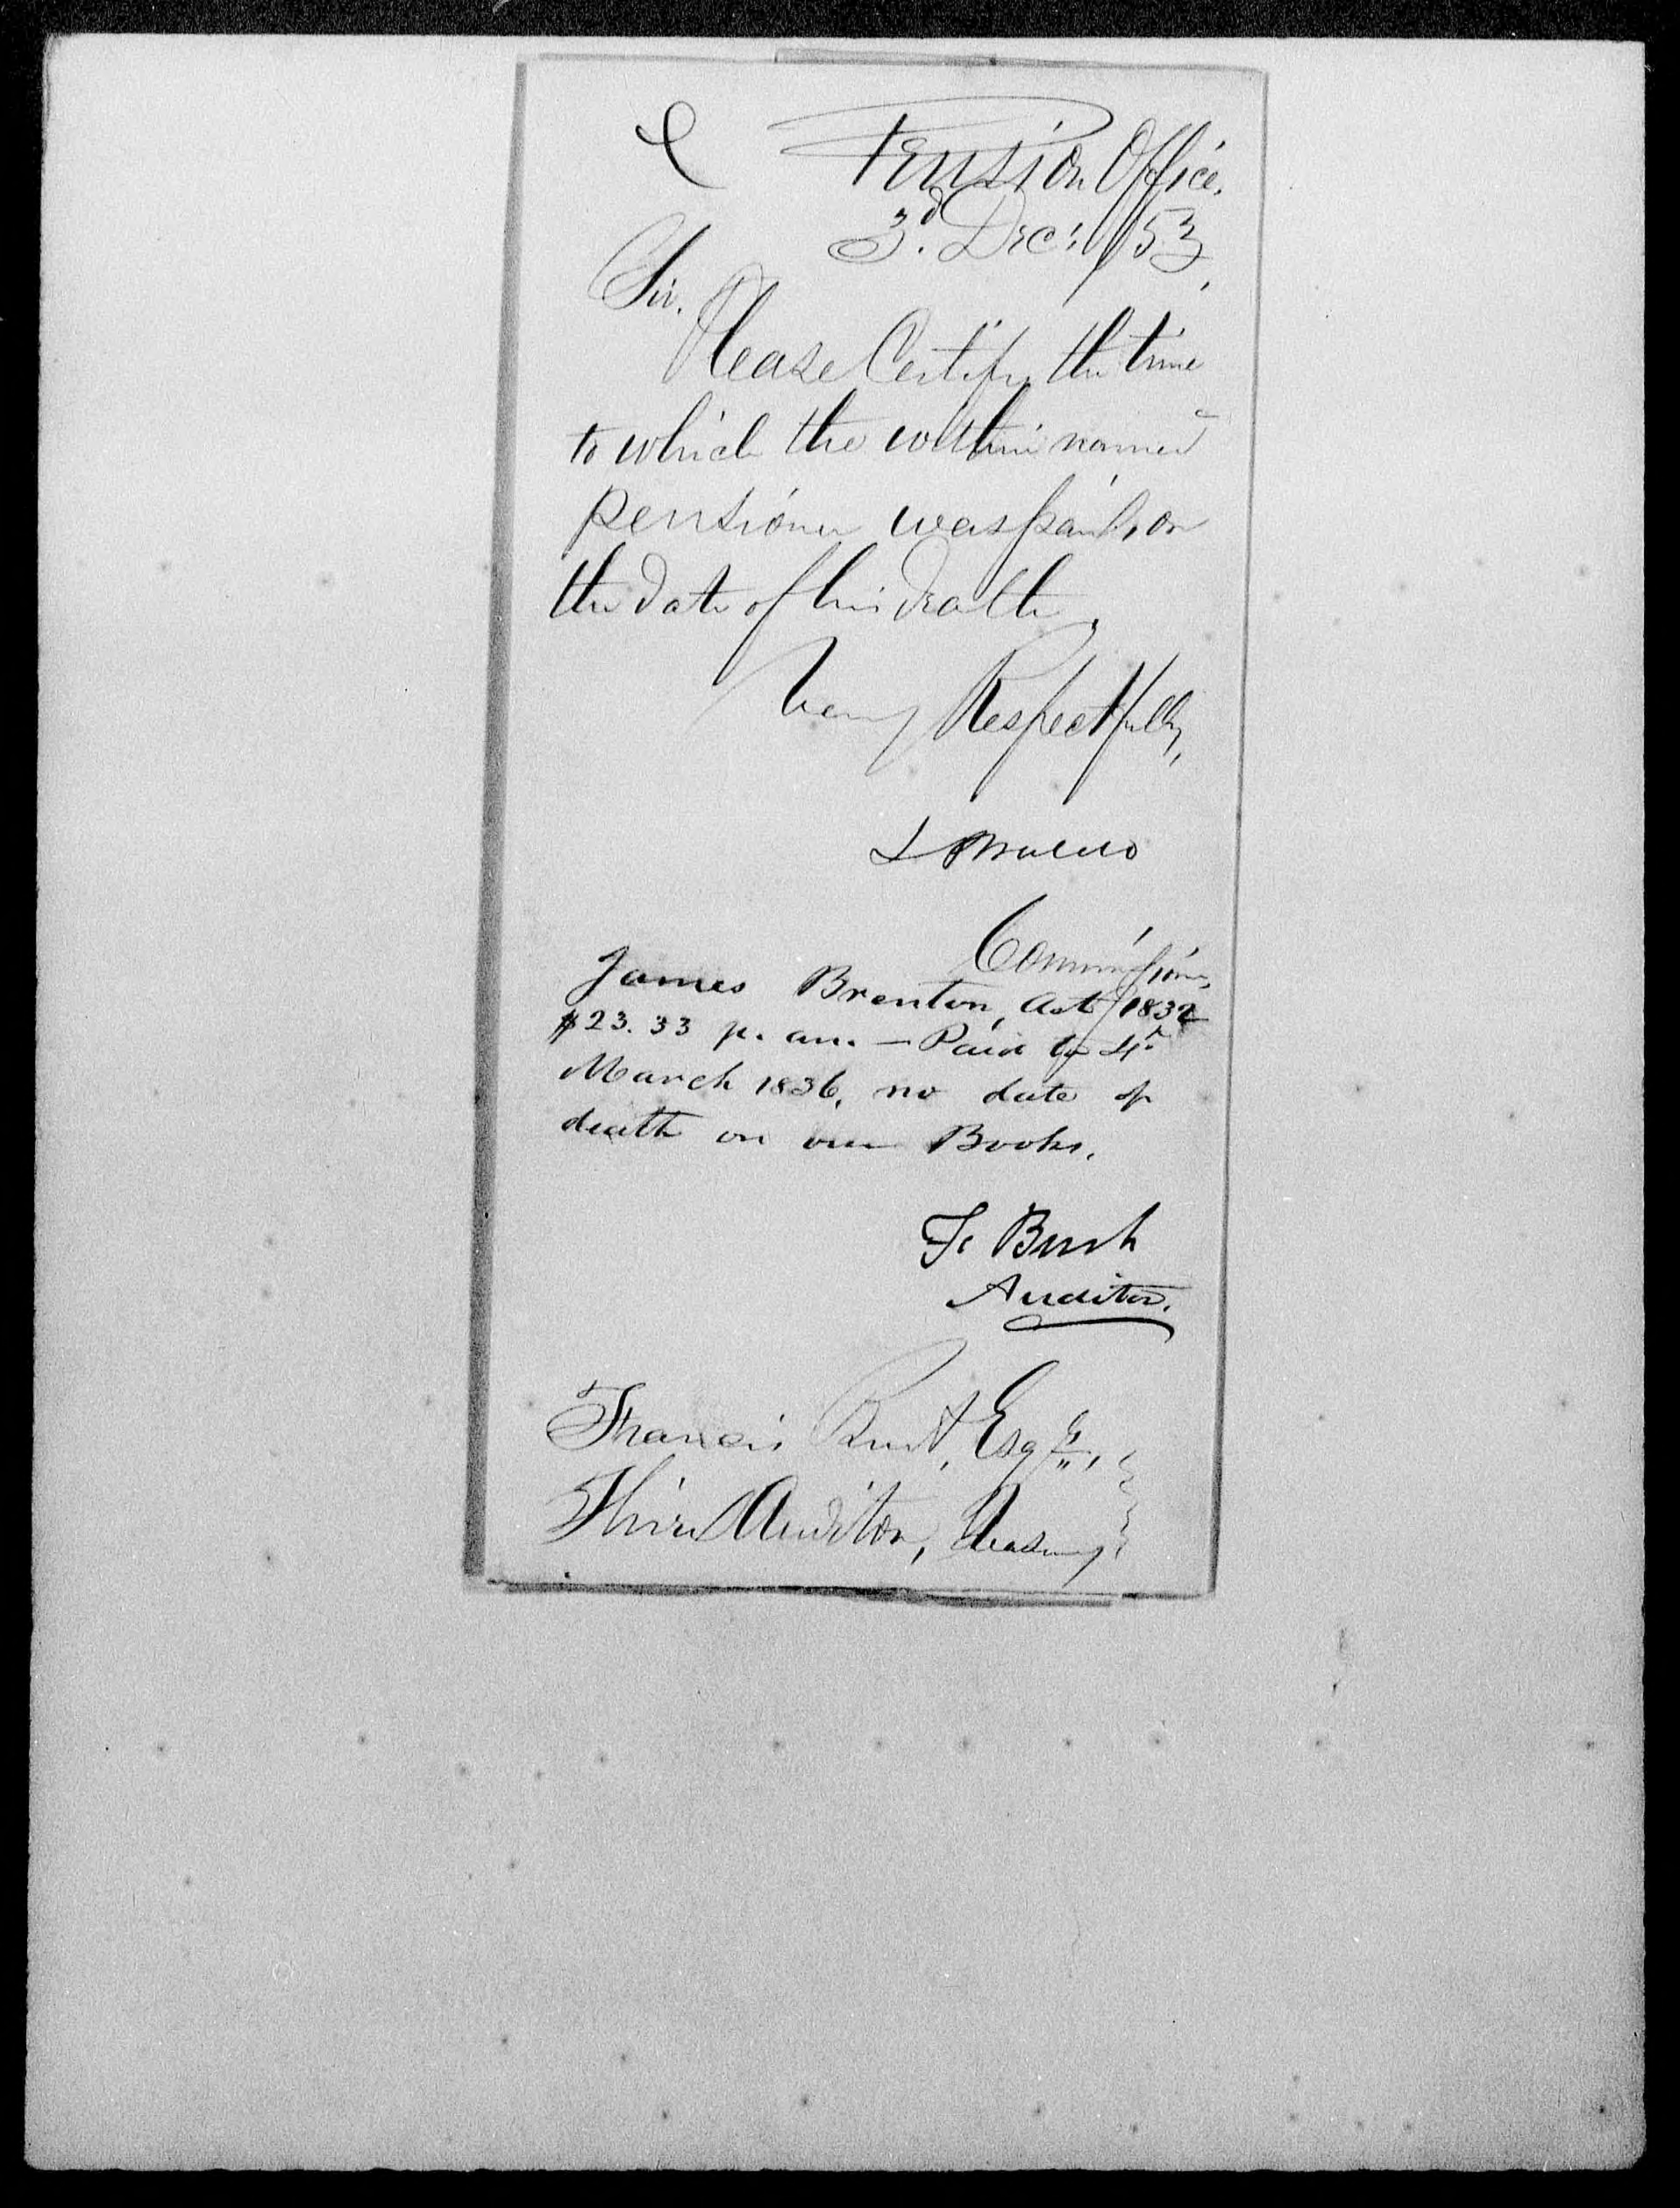Pension Office
3rd Dec. 53
Sir, Please certify the time to which the within named pensioner was paid or the date of his death. Very Respectfully, L P Waldo
Commissioner
James Brenton, act 1832, $23.33 per ann. Paid to 4th March 1836, no date of death on our Books.
F. Burt Auditor
Francis Burt, Esq.
[signature is illegible -- perhaps that of the auditor]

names: F Burt, L P Waldo, James Brenton, Francis Burt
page: 36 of 49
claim: widow's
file: W. 2518, James Brenton, Va.